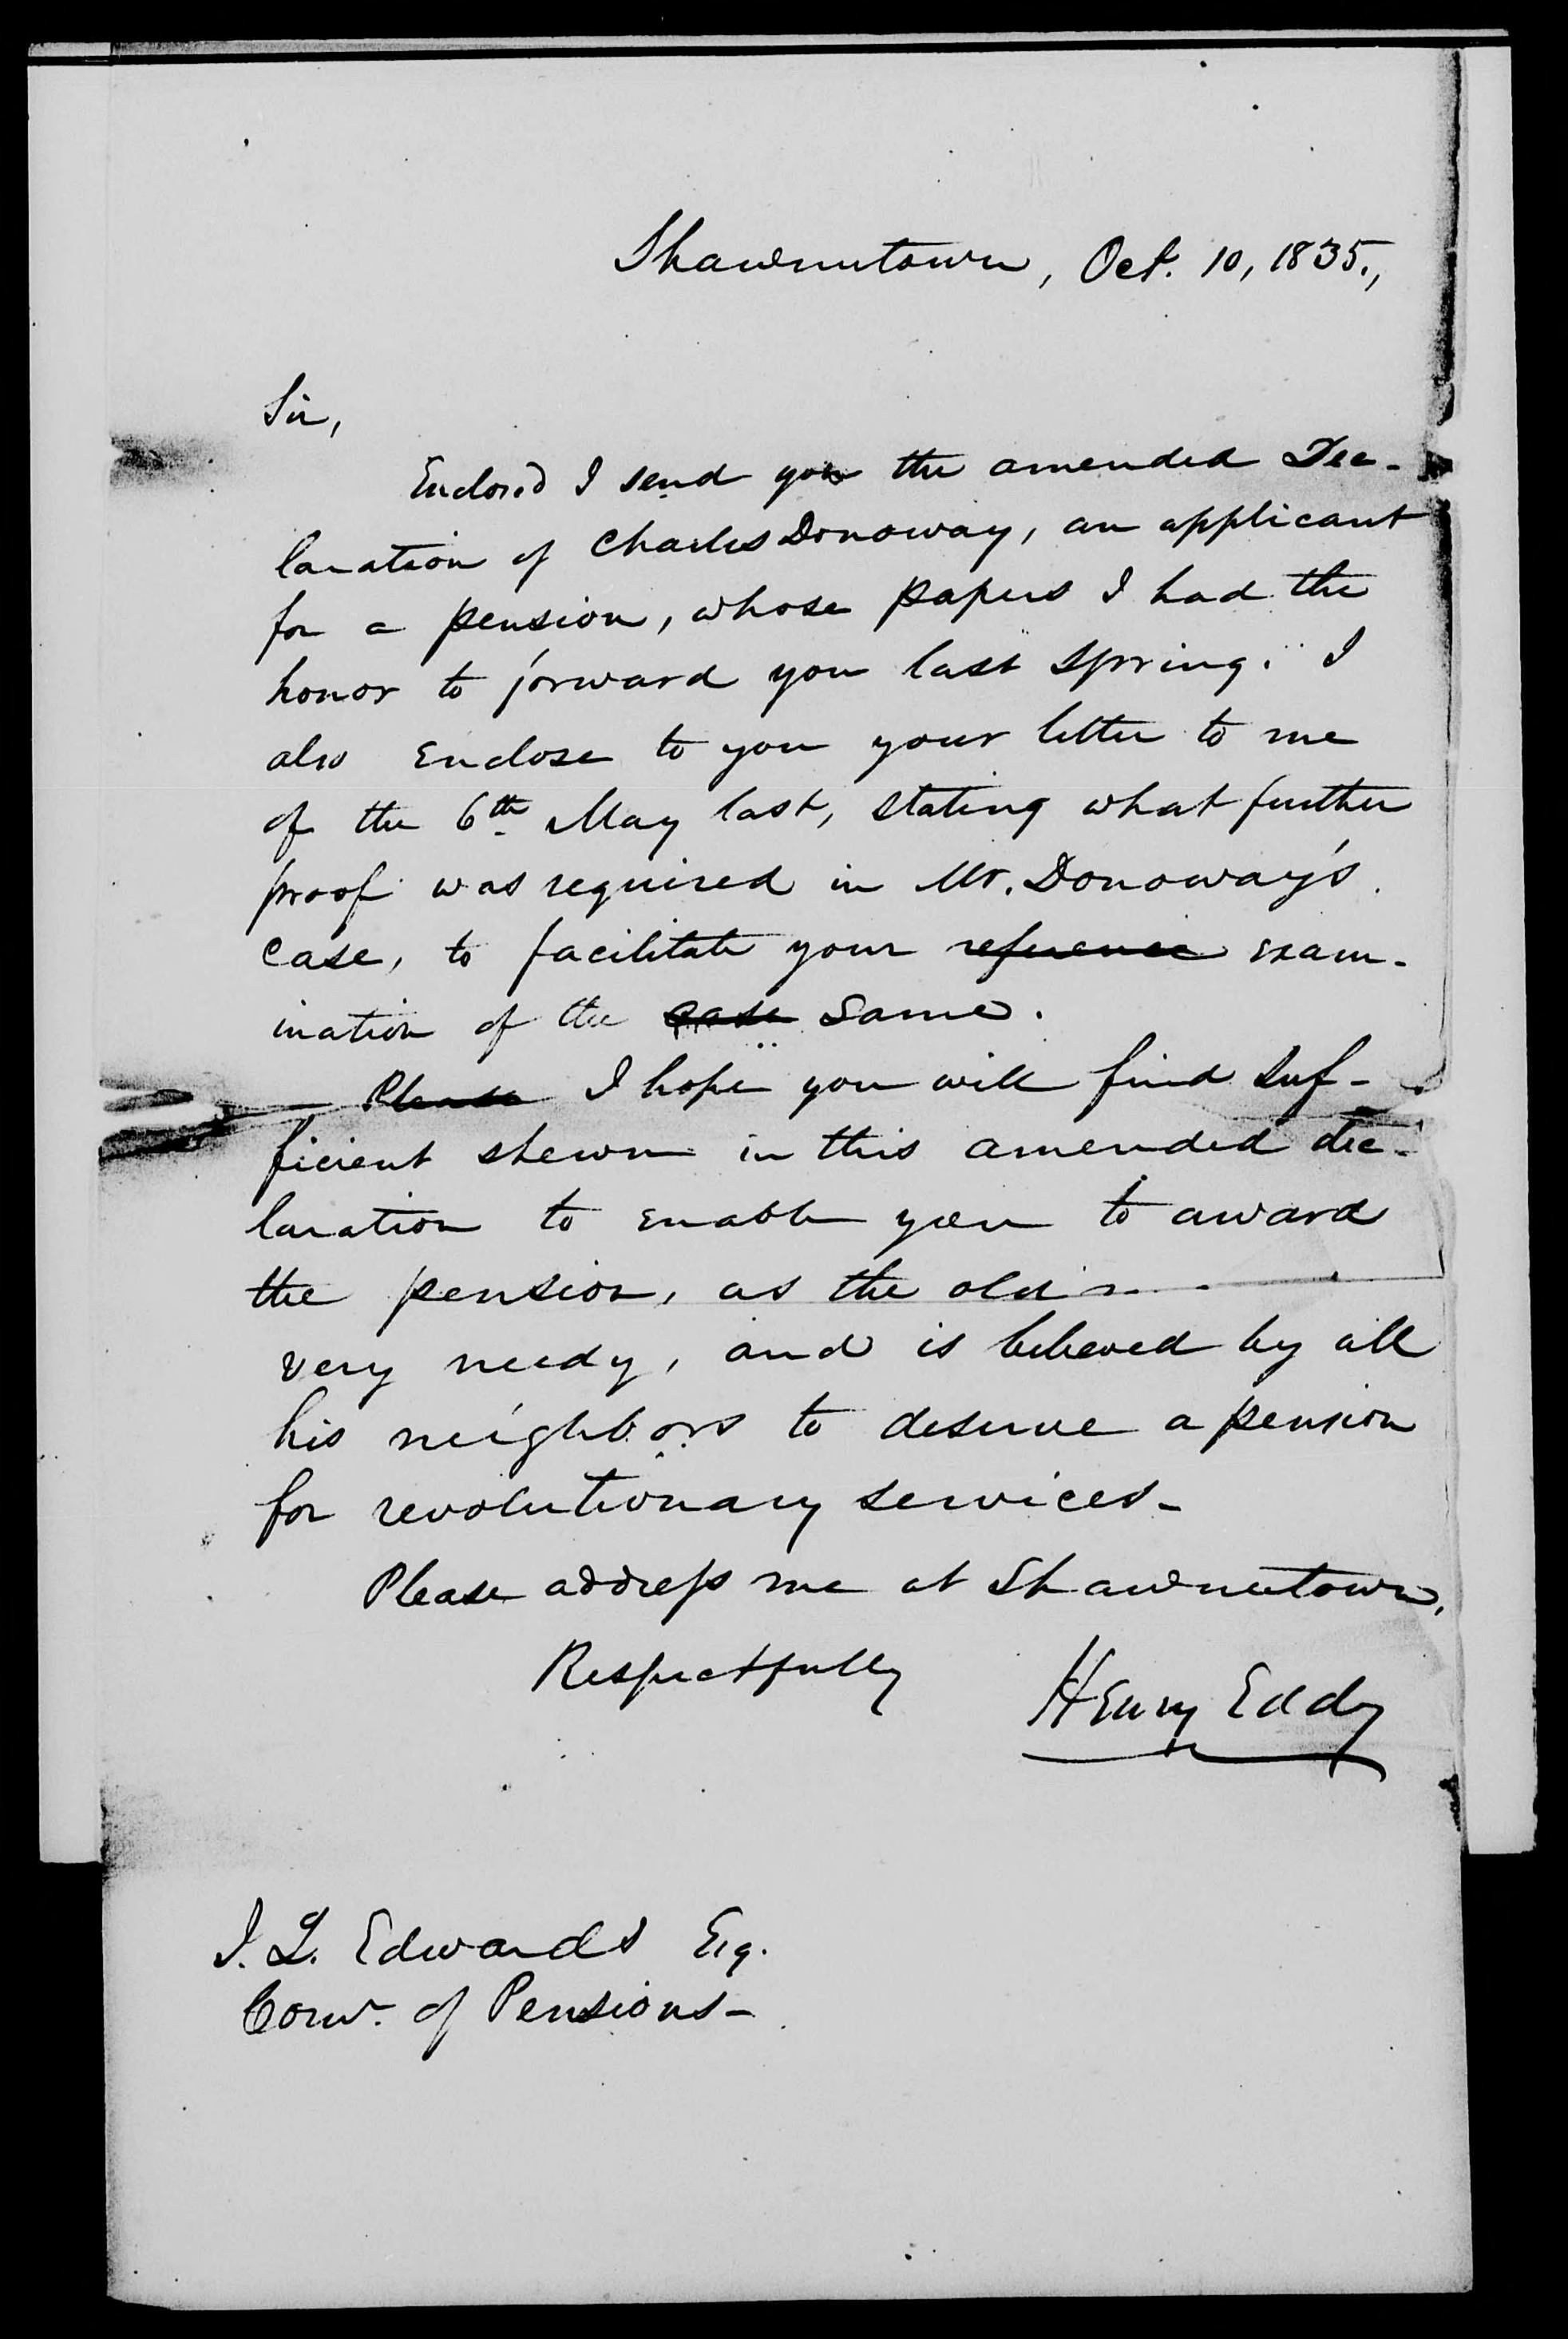Shawneetown, Oct. 10, 1835.
Sir,
Enclosed I send you the amended Declaration of Charles Donoway, an applicant for a pension, whose papers I had the honor to forward you last Spring. I also Enclose to you your letter to me of the 6th May last, stating what further proof was required in Mr. Donoway's case, to facilitate your examination of the same.
I hope you will find sufficient shown in this amended declaration to enable you to award the pension, as the old 
very needy, and is believed by all his neighbors to deserve a pension for revolutionary services
Please address me at Shawneetown,
Respectfully
Henry Eddy
J. L. Edwards Esq.
Comr. of Pensions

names: Henry Eddy, J L Edwards, Charles Donoway, Donoway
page: 26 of 29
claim: rejected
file: R. 3010, Charles Donaway, Va.